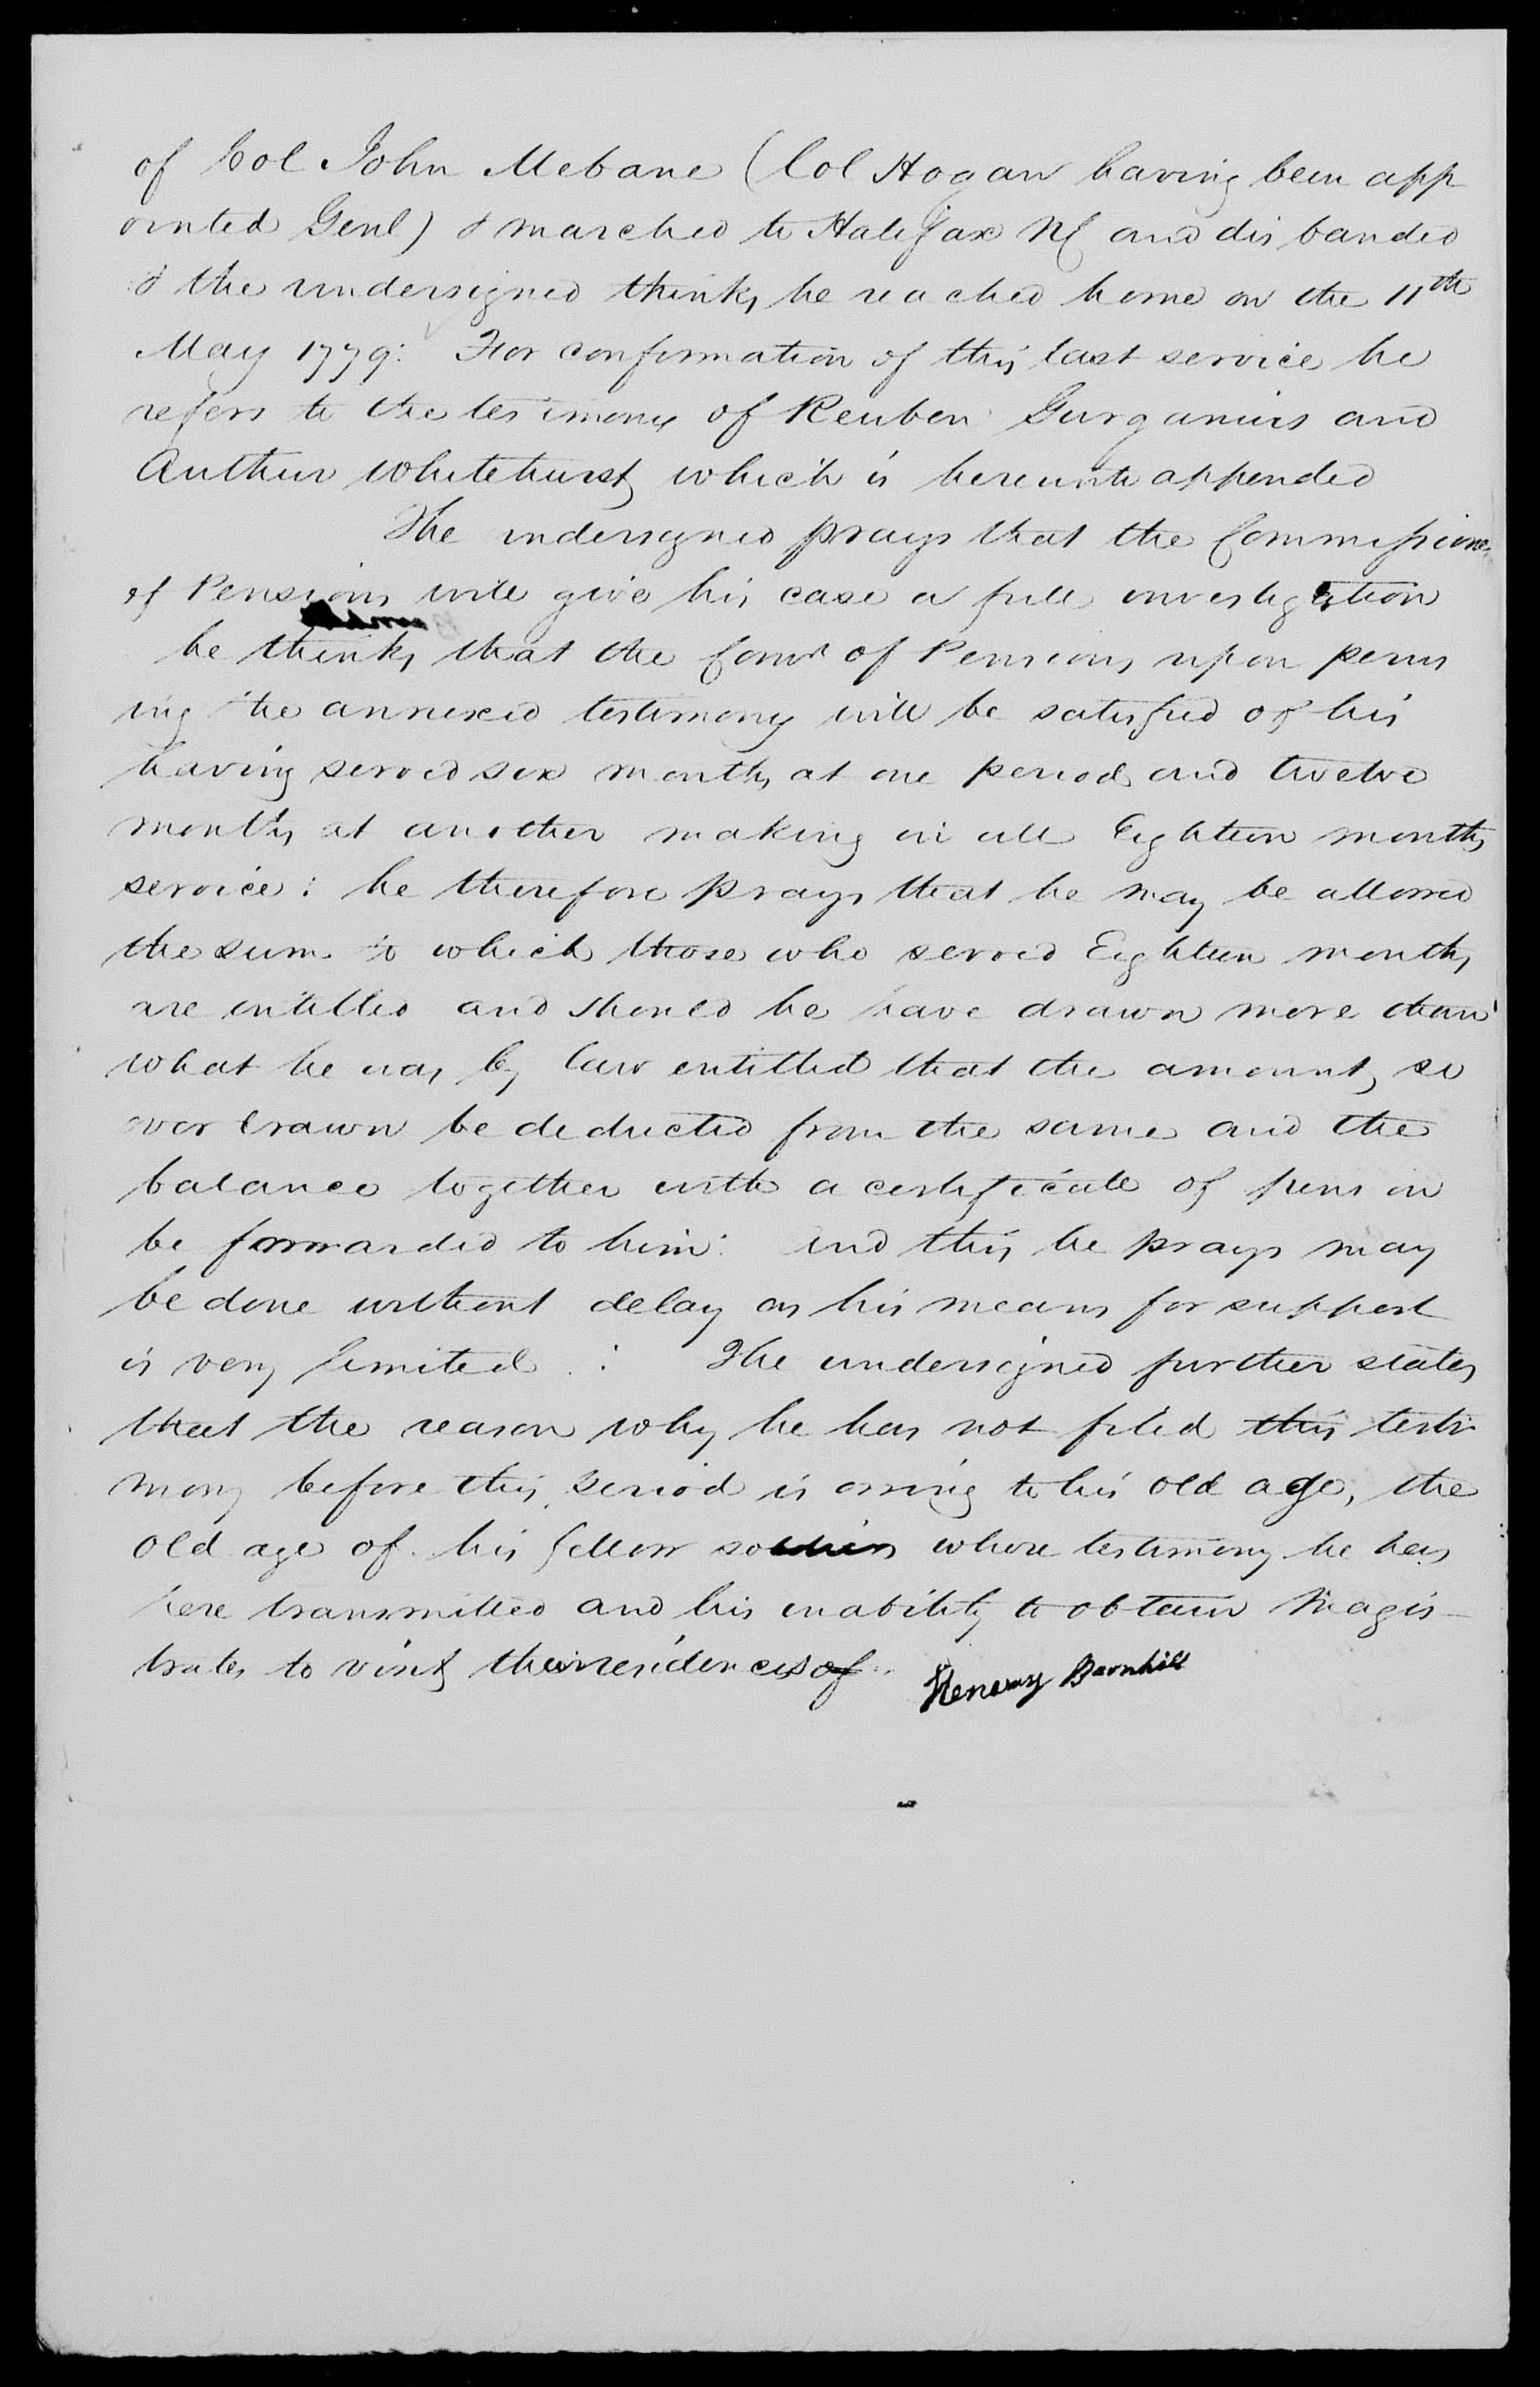of Col John Mebane (Col Hogan having been appointed Genl) & marched to Halifax NC and disbanded & the undersigned thinks he reached home on the 11th May 1779: √ For confirmation of this last service he refers to the testimony of Reuben Gurganius and Authur Whitehurst, which is herewith appended

The undersigned prays that the Commission of Pensions will give his case a full investigation he things that the Comr of Pensions upon perusing the annexed testimony will be satisfied of his having served six months at one period and twelve months at another making in all Eighteen months service: he therefore prays that he may be allowed the sum to which those who served Eighteen months are entitled and should have drawn more than what he was by law entitled that the amount, so overdrawn be deducted from the same and the balance together with a certificate of pension be forwarded to him: and this he prays may be done without delay as his means for support is very limited.: The undersigned further states that the reason why he has not filed this testimony before this period is owing to his old age, the old age of his fellow soldiers whose testimony he has here transmitted and his inability to obtain Magistrate to vint the evidences of.
S/Henry Barnhill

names: Henery Barnhill, John Mebane, Hogan, Authur Whitehurst, Reuben Gurganius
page: 7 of 42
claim: survivor's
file: S. 6579, Henry Barnhill, N. C.